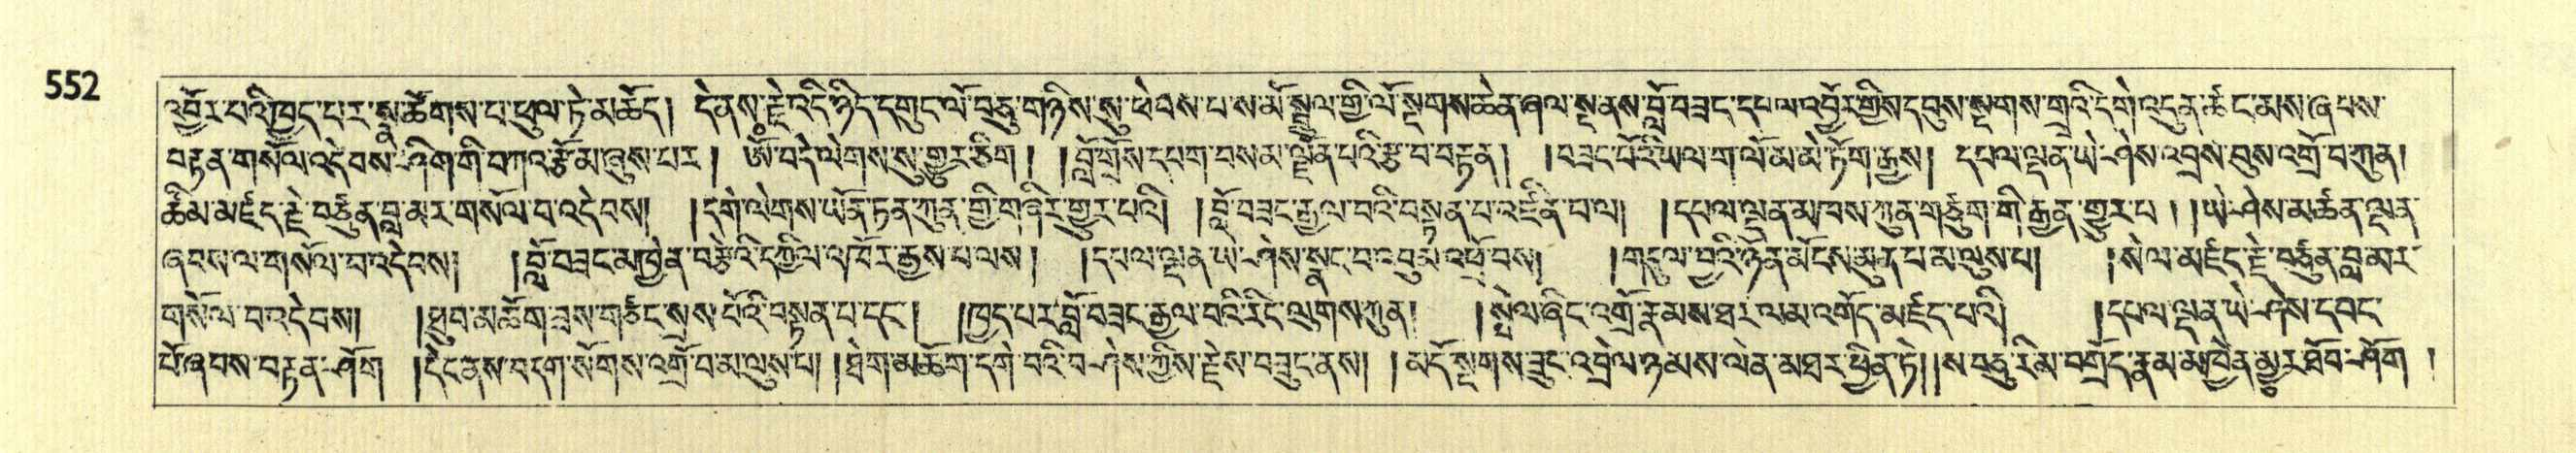འབྱོར་པའི་ཁྱད་པར་སྣ་ཚོགས་པ་ཕུལ་ཏེ་མཆོད། དེ་ནས་རྗེ་འདི་ཉིད་དགུང་ལོ་བཅུ་གཉིས་སུ་ཕེབས་པ་ས་མོ་སྤྲུལ་གྱི་ལོ་སྔགས་ཆེན་ཞལ་སྔ་ནས་བློ་བཟང་དཔལ་འབྱོར་གྱིས་དབུས་སྔགས་གྲྭའི་དགེ་འདུན་ཚང་མས་ཞབས་
བརྟན་གསོལ་འདེབས་ཤིག་གི་བཀའ་རྩོམ་ཞུས་པར། ཨོཾ་བདེ་ལེགས་སུ་གྱུར་ཅིག། །བློ་གྲོས་དཔག་བསམ་ལྗོན་པའི་རྩ་བ་བརྟན། །བཟང་པོའི་ཡལ་ག་ལོ་མ་མེ་ཏོག་རྒྱས། དཔལ་ལྡན་ཡེ་ཤེས་འབྲས་བུས་འགྲོ་བ་ཀུན།
ཚིམ་མཛད་རྗེ་བཙུན་བླ་མར་གསོལ་བ་འདེབས། །དགེ་ལེགས་ཡོན་ཏན་ཀུན་གྱི་གཞིར་གྱུར་པའི། །བློ་བཟང་རྒྱལ་བའི་བསྟན་པ་འཛིན་པ་ལ། །དཔལ་ལྡན་མཁས་ཀུན་གཙུག་གི་རྒྱན་གྱུར་པ། །ཡེ་ཤེས་མཚན་ལྡན་
ཞབས་ལ་གསོལ་བ་འདེབས། །བློ་བཟང་མཁྱེན་བརྩེའི་དཀྱིལ་འཁོར་རྒྱས་པ་ལས། །དཔལ་ལྡན་ཡེ་ཤེས་སྣང་བ་འབུམ་འཕྲོ་བས། །གདུལ་བྱའི་ཉོན་མོངས་མུན་པ་མ་ལུས་པ། །སེལ་མཛད་རྗེ་བཙུན་བླ་མར་
གསོལ་བ་འདེབས། །ཐུབ་མཆོག་ཟས་གཙང་སྲས་པོའི་བསྟན་པ་དང་། །ཁྱད་པར་བློ་བཟང་རྒྱལ་བའི་རིང་ལུགས་ཀུན། །སྤེལ་ཞིང་འགྲོ་རྣམས་ཐར་ལམ་འགོད་མཛད་པའི། །དཔལ་ལྡན་ཡེ་ཤེས་དབང་
པོ་ཞབས་བརྟན་ཤོག །དེང་ནས་བདག་སོགས་འགྲོ་བ་མ་ལུས་པ། །ཐེག་མཆོག་དགེ་བའི་བཤེས་ཀྱིས་རྗེས་བཟུང་ནས། །མདོ་སྔགས་ཟུང་འབྲེལ་ཉམས་ལེན་མཐར་ཕྱིན་ཏེ། །ས་བཅུ་རིམ་བགྲོད་རྣམ་མཁྱེན་མྱུར་ཐོབ་ཤོག །